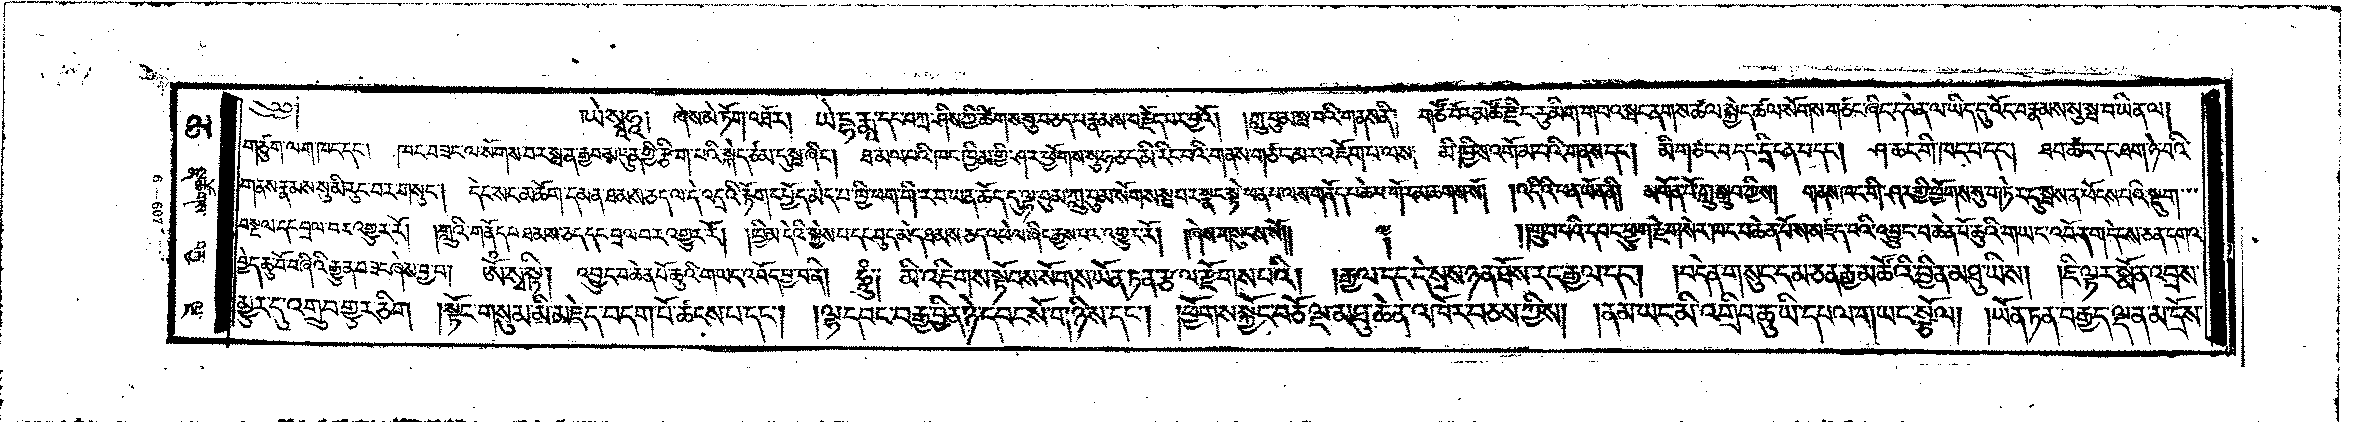༄༅། །ཡེ་སྭཱཧཱ། ཞེས་མེ་ཏོག་འཐོར།  ཡེ་དྷརྨཱ་དང་བཀྲ་ཤིས་ཀྱི་ཚིགས་སུ་བཅད་པ་རྣམས་བརྗོད་པར་བྱའོ། །ཀླུ་བུམ་སྦ་བའི་གནས་ནི། གཙོ་བོར་མཚོ་རྫིང་རུ་མིག་གྦའ་སྦང་ནགས་ཚལ་སྐྱེད་ཚལ་སོགས་གཙང་ཞིང་དབེན་ལ་ཡིད་དུ་འོང་བ་རྣམས་སུ་སྦ་བ་ཡིན་ལ།
ཕ༹གཙུག་ལག་ཁང་དང་། ཁང་བཟང་ལ་སོགས་བར་སྦན་རྒྱབ་མདུན་གྱི་རྩིག་པའི་སྐེད་ཙམ་དུ་སྦ་ཞིང་། ཐ་མལ་པའི་ཁང་ཁྱིམ་གྱི་ཤར་ཕྱོགས་སུ་ཧ་ཅང་མི་རིང་བའི་གནས་གཙང་མར་འཇོག་པ་ལས། མི་ཁྱིས་འགོམ་པའི་གནས་དང་། མི་གཙང་བ་དང་དྲི་ངན་པ་དང་། ཤ་ཆང་གི་ཁང་བ་དང་། ཐབ་ཚང་དང་ཐག་ཉེ་བའི་
གནས་རྣམས་སུ་མི་རུང་བར་གསུང་། དེང་སང་མཆོག་དམན་ཐམས་ཅད་ལ་དེ་འདྲའི་རྟོག་དཔྱོད་མེད་པ་ཁྱི་ཕག་གི་རབ་ཡན་ཆོད་དུ་ལྷ་བུམ་ཀླུ་བུམ་སོགས་སྦ་བར་སྣང་སྟེ་ཕན་པ་ལས་གནོད་པ་ཆེབ་གོར་མཆགས་སོ། །འདིའི་ཕན་ཡོན་ནི། མགོན་པོ་ཀླུ་སྒྲུབ་ཀྱིས། གནས་ཁང་གི་ཤར་གྱི་ཕྱོགས་སུ་གཏེར་དུ་སྦས་ན་ཕོངས་པའི་སྡུག་
བསྔལ་དང་བྲལ་བར་འགྱུར་རོ། །གླུའི་གནོད་པ་ཐམས་ཅད་དང་བྲལ་བར་འགྱུར་རོ། །ཁྱིམ་དེའི་སྐྱེས་པ་དང་བུད་མེད་ཐམས་ཅད་འཕེལ་ཞིང་རྒྱས་པར་འགྱུར་རོ། །ཞེས་གསུངས་སོ།། ༈ །།གྲུབ་པའི་དབང་ཕྱུག་རྗེ་གསེར་ཁང་བ་ཆེན་པོས་མཛད་བའི་འབྱུང་བ་ཆེན་པོ་ཆུའི་གཡང་འབོད་གདེངས་ཅན་དགའ་
བྱེད་ཆུ་བོ་བཞིའི་རྒྱུན་བཟང་ཞེས་བྱ་བ། ཨོཾ་སྭསྟི། འབྱུང་བ་ཆེན་པོ་ཆུའི་གཡང་འབོད་བྱ་བ་ནི།  ཧཱུཾ༑ མི་འཇིགས་སྟོབས་སོགས་ཡོན་ཏན་རྩལ་རྫོགས་པའི། །རྒྱལ་དང་དེ་སྲས་ཉན་ཐོས་རང་རྒྱལ་དང་། །བདེན་གསུང་དམ་ཅན་རྒྱ་མཚོའི་བྱིན་མཐུ་ཡིས། །ཇི་ལྟར་སྨོན་འབྲས་
མྱུར་དུ་འགྲུབ་གྱུར་ཅིག །སྟོང་གསུམ་མི་མཇེད་བདག་པོ་ཚངས་པ་དང་། །ལྷ་དབང་བརྒྱ་བྱིན་ཉེ་དབང་སོ་གཉིས་དང་། །ཕྱོགས་སྐྱོང་བཅོ་ལྔ་མཐུ་ཆེན་འཁོར་བཅས་ཀྱིས། །ནམ་ཡང་མི་འགྲིབ་ཆུ་ཡི་དཔལ་གཡང་སྩོལ། །ཡོན་ཏན་བརྒྱད་ལྡན་མ་དྲོས་